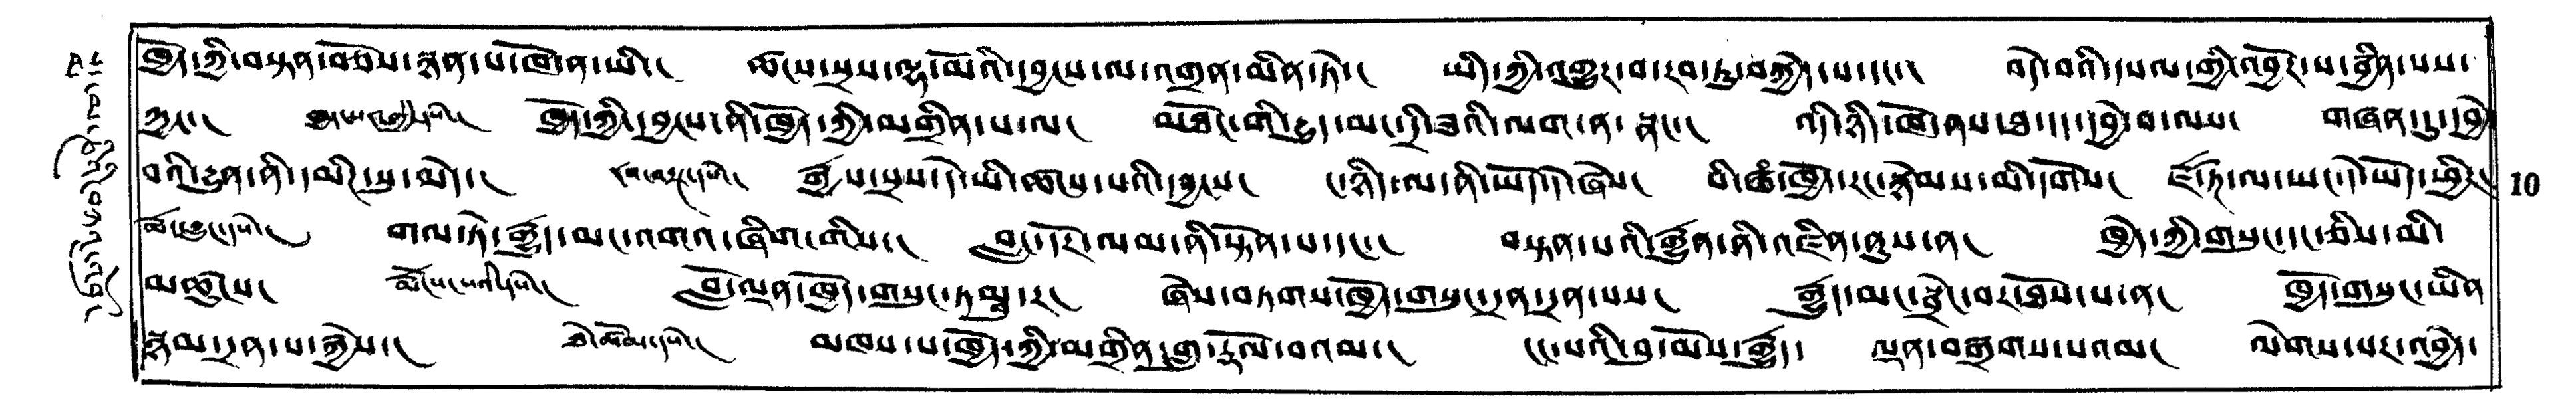ཁྱོད་ཀྱི་བསྟན་བཅོས་སྙན་པ་ཁོ་ན་ཡིས། །ཚངས་སྲས་ལྷ་མོའི་དབྱངས་ལ་འགྲན་མིན་ཏེ། །ཡིད་ཀྱི་འགྱུར་བ་རབ་ཏུ་བསྐྱེད་པ་དང་། །བདེ་བའི་དཔལ་གྱི་འབྱོར་པ་སྦྱིན་པས་
ཀྱང་། ཁྱད་པར་གྱི་དཔེ། ཁྱོད་ཀྱི་དབྱངས་ནི་ཁྱོད་ཀྱི་མགྲིན་པ་ལ། །མཐོང་གི་རྒྱུད་མང་དྲི་ཟའི་ལག་ན་སྣང་། །འདི་ཉིད་ཁོ་ནས་ཐ་དད་དབྱེ་བ་ལས། །གཞན་དུ་དབྱེ་
བའི་རྒྱུ་ནི་དམིགས་སུ་མེད། ། རབ་བརྟགས་ཀྱི་དཔེ། རྒྱལ་སྲས་དེ་ཡིས་ཚངས་པའི་དབྱངས། །ང་ཉིད་ལ་ནི་ཡོད་དོ་ཞེས། །པི་ཝཾ་ཁྱོད་རང་སྙེམས་མི་དགོས། །རྫ་རྔ་ལ་ཡང་དེ་ཡོད་ཕྱིར། ། 
རྨད་བྱུང་དཔེ། གལ་ཏེ་རྒྱུད་མང་འགའ་ཞིག་གིས། །བླང་དོར་ལམ་ནི་སྟོན་པ་དང་། །བསྟན་པའི་རྒྱུན་ནི་འཛིན་ནུས་ན། །ཁྱེད་ཀྱི་གསུང་དང་ཅིས་མི་
མཚུངས། རྨོངས་པའི་དཔེ། བློ་ལྡན་ཁྱོད་གསུང་ཏམྦུ་ར། །ཞེས་བཏགས་ཁྱོད་གསུང་དྲན་དྲན་པས། །རྒྱུད་མང་སྦྲེངས་བར་ཐོས་པ་ན། །ཁྱོད་གསུང་ཡིན་
སྙམ་དྲན་པ་སྐྱེས། ། ཐེ་ཚོམ་དཔེ། མཁས་པ་ཁྱོད་ཀྱིས་མགྲིན་གླུ་རྡོལ་བའམ། །ངང་པའི་བུ་མོས་རྒྱུད་ལྡན་བསྒྲགས་པའམ། །ལེགས་པར་འབྱེད་